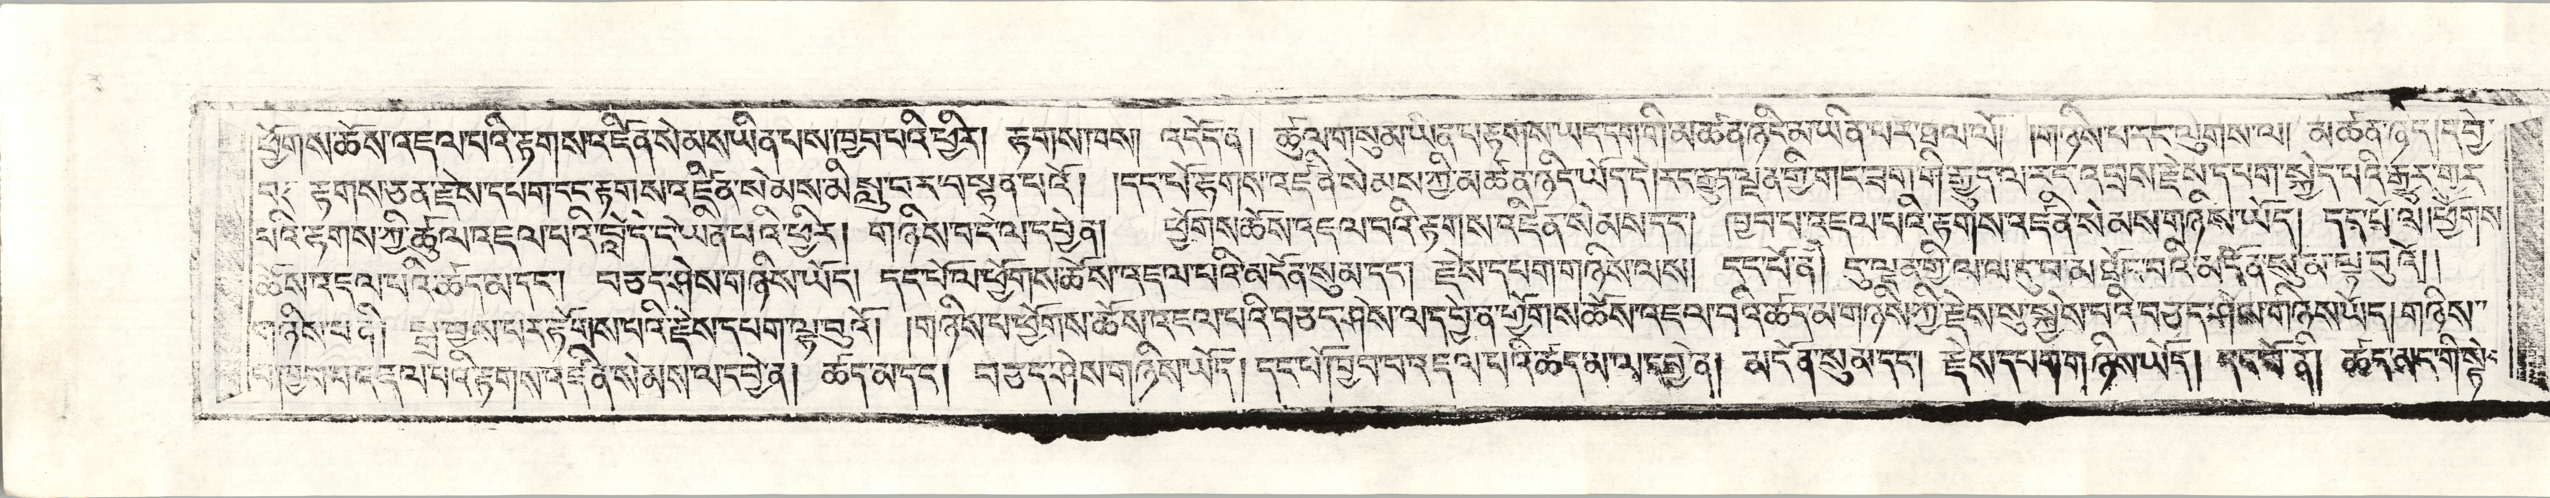ཕྱོགས་ཆོས་འཇལ་བའི་རྟགས་འཛིན་སེམས་ཡིན་པས་ཁྱབ་པའི་ཕྱིར། རྟགས་ཁས། འདོད་ན། ཚུལ་གསུམ་ཡིན་པ་རྟགས་ཡང་དག་གི་མཚན་ཉིད་མ་ཡིན་པར་ཐལ་ལོ། །གཉིས་པ་རང་ལུགས་ལ། མཚན་ཉིད། དབྱེ་
བ། རྟགས་ཅན་རྗེས་དཔག་དང་རྟགས་འཛིན་སེམས་མི་སླུ་བར་བསྟན་པའོ། །དང་པོ་རྟགས་འཛིན་སེམས་ཀྱི་མཚན་ཉིད་ཡོད་དེ། རང་རྒྱུད་ལྡན་གྱི་གང་ཟག་གི་རྒྱུད་ལ་རང་འབྲས་རྗེས་དཔག་སྐྱེད་པའི་རྒྱུར་གྱུར་
པའི་རྟགས་ཀྱི་ཚུལ་འཇལ་བའི་བློ་དེ་དེ་ཡིན་པའི་ཕྱིར། གཉིས་པ་དེ་ལ་དབྱེ་ན། ཕྱོགས་ཆོས་འཇལ་བའི་རྟགས་འཛིན་སེམས་དང་། ཁྱབ་པ་འཇལ་བའི་རྟགས་འཛིན་སེམས་གཉིས་ཡོད། དང་པོ་ལ་ཕྱོགས་
ཆོས་འཇལ་བའི་ཚད་མ་དང་། བཅད་ཤེས་གཉིས་ཡོད། དང་པོ་ལ་ཕྱོགས་ཆོས་འཇལ་བའི་མངོན་སུམ་དང་། རྗེས་དཔག་གཉིས་ལས། དང་པོ་ནི། དུ་ལྡན་གྱི་ལ་ལ་དུ་བ་མཐོང་བའི་མངོན་སུམ་ལྟ་བུའོ། །
གཉིས་པ་ནི། སྒྲ་བྱས་པར་རྟོགས་པའི་རྗེས་དཔག་ལྟ་བུའོ། །གཉིས་པ་ཕྱོགས་ཆོས་འཇལ་བའི་བཅད་ཤེས་ལ་དབྱེ་ན་ཕྱོགས་ཆོས་འཇལ་བའི་ཚད་མ་གཉིས་ཀྱི་རྗེས་སུ་སྐྱེས་པའི་བཅད་ཤེས་གཉིས་ཡོད། གཉིས་
པ་ཁྱབ་པ་འཇལ་བའི་རྟགས་འཛིན་སེམས་ལ་དབྱེ་ན། ཚད་མ་དང་། བཅད་ཤེས་གཉིས་ཡོད། དང་པོ་ཁྱབ་པ་འཇལ་བའི་ཚད་མ་ལ་དབྱེ་ན། མངོན་སུམ་དང་། རྗེས་དཔག་གཉིས་ཡོད། དང་པོ་ནི། ཚང་མང་གི་སྟེང་